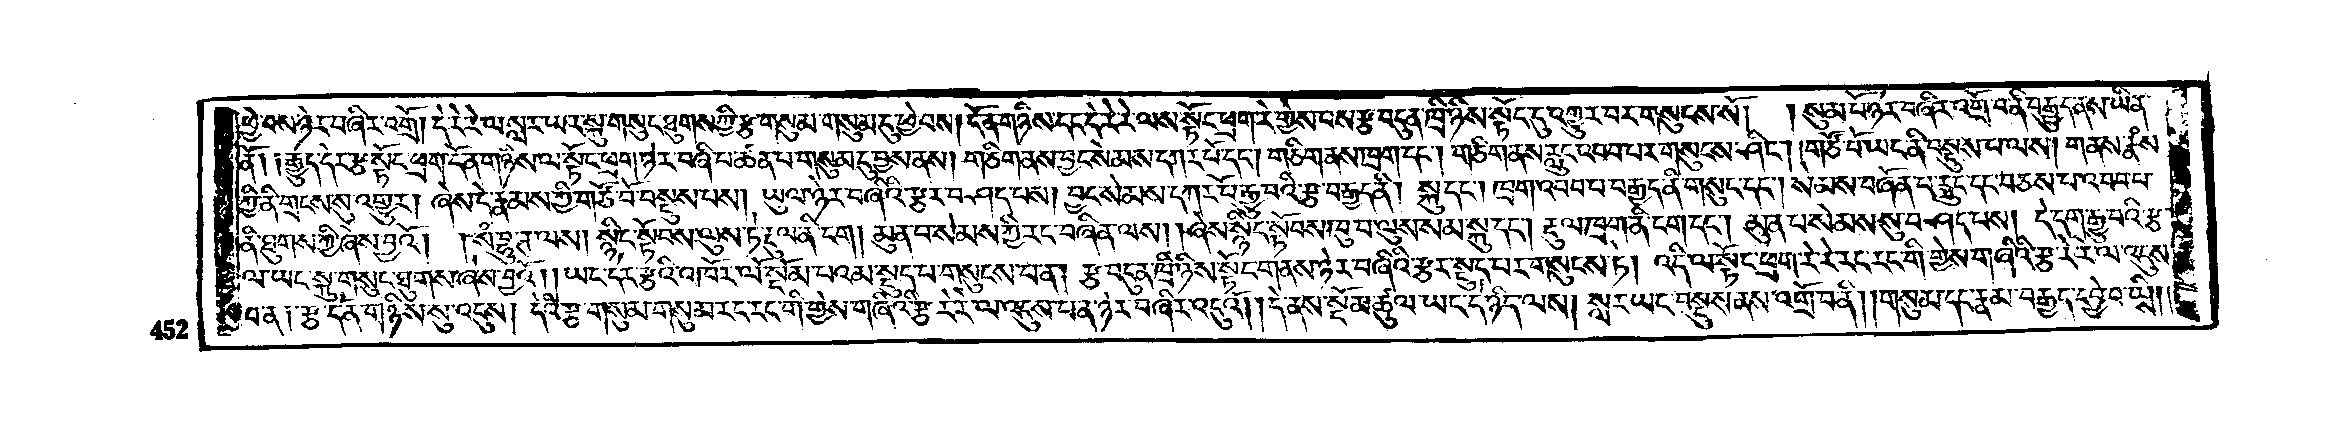ཕྱེ་བས་ཉེར་བཞིར་འགྲོ། དེ་རེ་རེ་ལ་སླར་ཡང་སྐུ་གསུང་ཐུགས་ཀྱི་རྩ་གསུམ་གསུམ་དུ་ཕྱེ་བས། དོན་གཉིས་དང་དེ་རེ་རེ་ལས་སྟོང་ཕྲག་རེ་གྱེས་པས་རྩ་བདུན་ཁྲི་ཉིས་སྟོང་དུ་འགྱུར་བར་གསུངས་སོ། །སུམ་པོ་ཉེར་བཞིར་འགྲོ་བ་ནི་རྒྱུད་ནས་ཡིན་
ནོ། །རྒྱུད་དེར་རྩ་སྟོང་ཕྲག་དོན་གཉིས་ལ་སྟོང་ཕྲག་ཉེར་བཞི་པ་ཚན་པ་གསུམ་དུ་བྱས་ནས། གཅིག་ནས་བྱང་སེམས་དཀར་པོ་དང་། གཅིག་ནས་ཁྲག་དང་། གཅིག་ནས་རླུང་འབབ་པར་གསུངས་ཤིང་། །གཙོ་བོ་ཡང་ནི་བསྡུས་པ་ལས། གནས་རྣམས་
ཀྱི་ནི་གྲངས་སུ་འགྱུར། ཞེས་དེ་རྣམས་ཀྱི་གཙོ་བོ་བསྡུས་པས། ཡུལ་ཉེར་བཞིའི་རྩར་བཤད་པས། བྱང་སེམས་དཀར་པོ་རྒྱུ་བའི་རྩ་བརྒྱད་ནི། སྐུ་དང་། ཁྲག་འབབ་པ་བརྒྱད་ནི་གསུང་དང་། སེམས་བཞོན་པ་རླུང་དང་བཅས་པ་འབབ་པ་
ནི་ཐུགས་ཀྱི་རྩ་ཞེས་བྱའོ། །སཾ་བྷུ་ཊ་ལས། སྙིང་སྟོབས་ལུས་ཏེ་རྡུལ་ནི་ངག །མུན་པ་སེམས་ཀྱི་རང་བཞིན་ལས། །ཞེས་སྙིང་སྟོབས་ཁུ་བ་ལུས་སམ་སྐུ་དང་། རྡུལ་ཁྲག་ནི་ངག་དང་། མུན་པ་སེམས་སུ་བཤད་པས། དེ་དག་རྒྱུ་བའི་རྩ་
ལ་ཡང་སྐུ་གསུང་ཐུགས་ཞེས་བྱའོ། །ཡང་དེར་རྩའི་འཁོར་ལོ་སྡོམ་པའམ་སྡུད་པ་གསུངས་པ་ན། རྩ་བདུན་ཁྲི་ཉིས་སྟོང་གནས་ཉེར་བཞིའི་རྩར་སྡུད་པར་གསུངས་ཏེ། འདི་ལ་སྟོང་ཕྲག་རེ་རེ་རང་རང་གི་གྱེས་གཞིའི་རྩ་རེ་རེ་ལ་འདུས་
པ་ན། རྩ་དོན་གཉིས་སུ་འདུས། དེའི་རྩ་གསུམ་གསུམ་རང་རང་གི་གྱེས་གཞིའི་རྩ་རེ་རེ་ལ་འདུས་པ་ན་ཉེར་བཞིར་འདུའོ། །དེ་ནས་སྡོམ་ཚུལ་ཡང་དེ་ཉིད་ལས། སླར་ཡང་བསྡུས་ནས་འགྲོ་བ་ནི། །གསུམ་དང་རྣམ་བརྒྱད་དབྱེ་བ་ཡིས། །